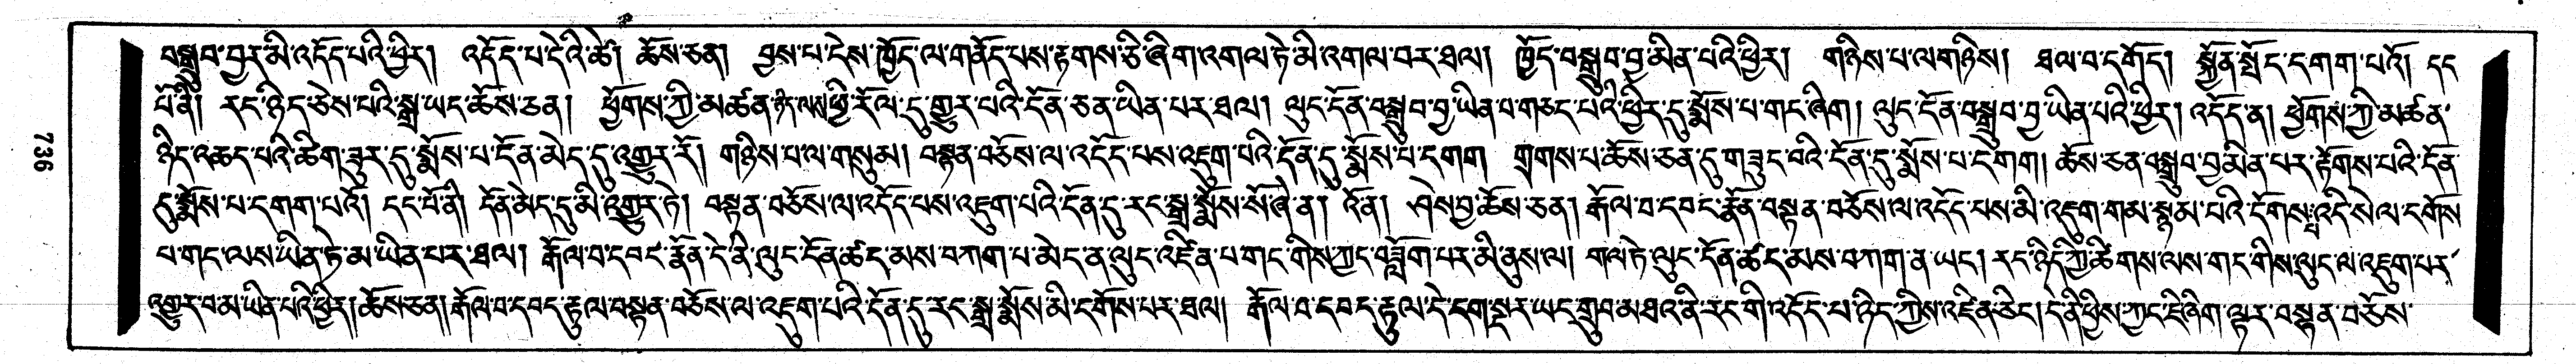བསྒྲུབ་བྱར་མི་འདོད་པའི་ཕྱིར། འདོད་པ་དེའི་ཚེ། ཆོས་ཅན། བྱས་པ་དེས་ཁྱོད་ལ་གནོད་པས་རྟགས་ཅི་ཞིག་འགལ་ཏེ་མི་འགལ་བར་ཐལ། ཁྱོད་བསྒྲུབ་བྱ་མིན་པའི་ཕྱིར། གཉིས་པ་ལ་གཉིས། ཐལ་བ་དགོད། སྐྱོན་སྤོད་དགག་པའོ། དང་
པོ་ནི། རང་ཉིད་ཅེས་པའི་སྒྲ་ཡང་ཆོས་ཅན། ཕྱོགས་ཀྱི་མཚན་ཉིད་ལས་ཕྱི་རོལ་དུ་གྱུར་པའི་དོན་ཅན་ཡིན་པར་ཐལ། ལུང་དོན་བསྒྲུབ་བྱ་ཡིན་བ་གཅད་པའི་ཕྱིར་དུ་སྨོས་པ་གང་ཞིག། ལུང་དོན་བསྒྲུབ་བྱ་ཡིན་པའི་ཕྱིར། འདོད་ན། ཕྱོགས་ཀྱི་མཚན་
ཉིད་འཆད་པའི་ཚིག་ཟུར་དུ་སྨོས་པ་དོན་མེད་དུ་འགྱུར་རོ། གཉིས་པ་ལ་གསུམ། བསྟན་བཅོས་ལ་འདོད་པས་འཇུག་པའི་དོན་དུ་སྨོས་པ་དགག་གྲགས་པ་ཆོས་ཅན་དུ་གཟུང་བའི་དོན་དུ་སྨོས་པ་དགག། ཆོས་ཅན་བསྒྲུབ་བྱ་མིན་པར་རྟོགས་པའི་དོན་
དུ་སྨོས་པ་དགག་པའོ། དང་པོ་ནི། དོན་མེད་དུ་མི་འགྱུར་ཏེ། བསྟན་བཅོས་ལ་འདོད་པས་འཇུག་པའི་དོན་དུ་རང་སྒྲ་སྨོས་སོ་ཞེ་ན། འོ་ན། ཤེས་བྱ་ཆོས་ཅན། རྒོལ་བ་དབང་རྣོན་བསྟན་བཅོས་ལ་འདོད་པས་མི་འཇུག་གམ་སྙམ་པའི་དོགས་པ་འདི་སེལ་དགོས་
པ་གང་ལས་ཡིན་ཏེ་མ་ཡིན་པར་ཐལ། རྒོལ་བ་དབང་རྣོན་དེ་ནི་ལུང་དོན་ཚད་མས་བཀག་པ་མེད་ན་ལུང་འཛིན་པ་གང་གིས་ཀྱང་བཟློག་པར་མི་ནུས་ལ། གལ་ཏེ་ལུང་དོན་ཚད་པས་བཀག་ན་ཡང་། རང་ཉིད་ཀྱི་ཚིགས་ལས་གང་གིས་ལུང་ལ་འཇུག་པར་
འགྱུར་བ་མ་ཡིན་པའི་ཕྱིར། ཆོས་ཅན། རྒོལ་བ་དབང་རྟུལ་བསྟན་བཅོས་ལ་འཇུག་པའི་དོན་དུ་རང་སྒྲ་སྨོས་མི་དགོས་པར་ཐལ། རྒོལ་བ་དབང་རྟུལ་དེ་དག་སྔར་ཡང་གྲུབ་མཐའ་ནི་རང་གི་འདོད་པ་ཉིད་ཀྱིས་འཛིན་ཅིང་། དེ་ནི་ཕྱིས་ཀྱང་ཇི་ཞིག་ལྟར་བསྟན་བཅོས་